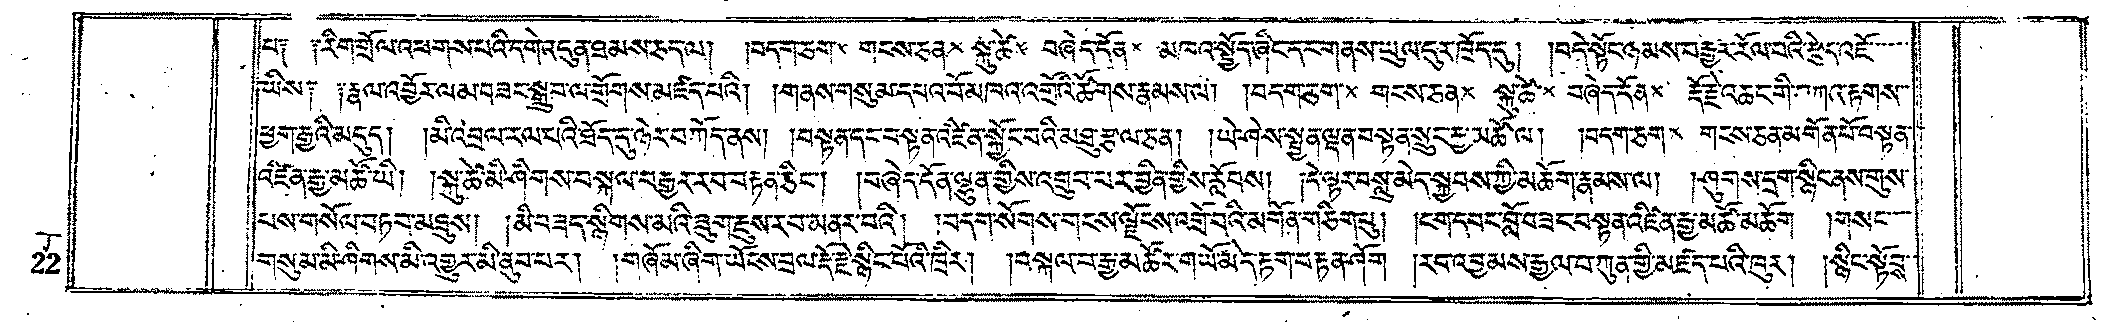པ༑ ༑རིག་གྲོལ་འཕགས་པའི་དགེ་འདུན་ཐམས་ཅད་ལ། །བདག་ཅག་྾་གངས་ཅན་྾་སྐུ་ཚེ་྾་བཞེད་དོན་྾་མཁའ་སྤྱོད་ཞིང་དང་གནས་ཡུལ་དུར་ཁྲོད་དུ། །བདེ་སྟོང་ཉམས་བརྒྱར་རོལ་བའི་རྩེད་འཇོ་་་
ཡིས༑ ༑རྣལ་འབྱོར་ལམ་བཟང་སྒྲུབ་ལ་གྲོགས་མཛད་པའི། །གནས་གསུམ་དཔའ་བོ་མཁའ་འགྲོའི་ཚོགས་རྣམས་ལ། །བདག་ཅག་྾་གངས་ཅན་྾་སྐུ་ཚེ་྾་བཞེད་དོན་྾་རྡོ་རྗེ་འཆང་གི་བཀའ་རྟགས་་་
ཕྱག་རྒྱའི་མདུད། །མི་འབྲལ་རལ་པའི་ཐོད་དུ་ཉེར་བཀོད་ནས། །བསྟན་དང་བསྟན་འཛིན་སྐྱོང་བའི་མཐུ་རྩལ་ཅན། །ཡེ་ཤེས་སྤྱན་ལྡན་བསྟན་སྲུང་རྒྱ་མཚོ་ལ། །བདག་ཅག་྾་གངས་ཅན་མགོན་པོ་བསྟན་
འཛིན་རྒྱ་མཚོ་ཡི། །སྐུ་ཚེ་མི་ཤིགས་བསྐལ་བརྒྱར་རབ་བརྟན་ཅིང་། །བཞེད་དོན་ལྷུན་གྱིས་འགྲུབ་པར་བྱིན་གྱིས་རློབས། །དེ་ལྟར་བསླུ་མེད་སྐྱབས་ཀྱི་མཆོག་རྣམས་ལ། །ཤུགས་དྲག་སྙིང་ནས་གུས་
པས་གསོལ་བཏབ་མཐུས། །མི་བཟད་སྙིགས་མའི་ཟུག་རྔུས་རབ་མནར་བའི། །བདག་སོགས་གངས་ལྗོངས་འགྲོ་བའི་མགོན་གཅིག་པུ། །ངག་དབང་བློ་བཟང་བསྟན་འཛིན་རྒྱ་མཚོ་མཆོག །གསང་་་
གསུམ་མི་ཤིགས་མི་འགྱུར་མི་ནུབ་པར། །གཞོམ་ཞིག་ཡོངས་བྲལ་རྡོ་རྗེ་སྙིང་པོའི་ཁྲིར། །བསྐལ་པ་རྒྱ་མཚོར་གཡོ་མེད་རྟག་བརྟན་ཤོག །རབ་འབྱམས་རྒྱལ་བ་ཀུན་གྱི་མཛད་པའི་ཁུར། །སྙིང་སྟོབས་